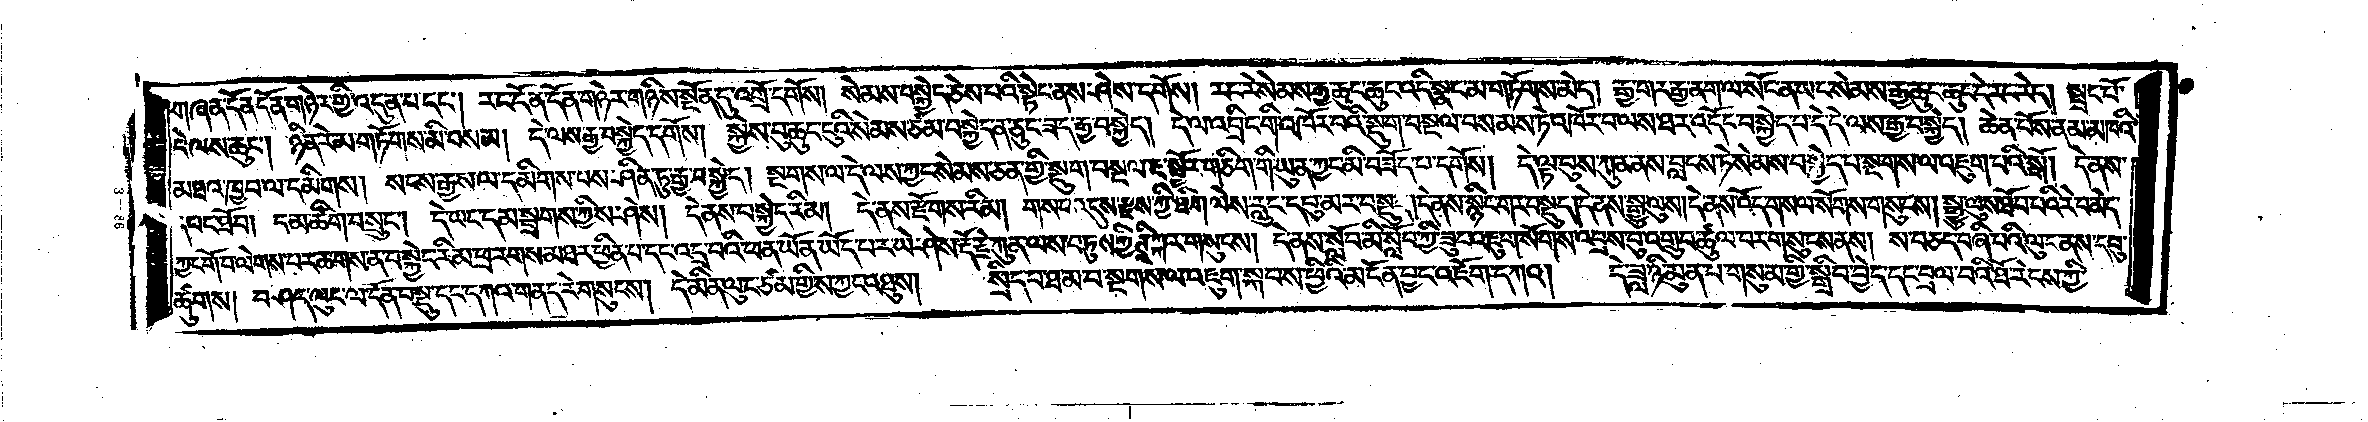གཞན་དོན་དོན་གཉེར་གྱི་འདུན་པ་དང་། རང་དོན་དོན་གཉེར་གཉིས་སྔོན་དུ་འགྲོ་དགོས། སེམས་བསྐྱེད་ཅེས་པའི་སྟེང་ནས་ཤེས་དགོས། རང་རེ་སེམས་རྒྱ་ཆུང་ཆུང་འདི་སྣང་མ་གཏོགས་མེད། རྒྱ་གར་རྒྱ་ནག་ལ་སོང་ན་ཡང་སེམས་རྒྱ་ཆུང་ཆུང་དེ་རང་རེད། སྤྲང་པོ་
དེ་ལས་ཆུང་། ཉིན་རེ་མ་གཏོགས་མི་བསམ། དེ་ལས་རྒྱ་བསྐྱེད་དགོས། སྐྱེས་བུ་ཆུང་ངུའི་སེམས་ཙམ་བསྐྱེད་ན་ཅུང་ཟད་རྒྱ་བསྐྱེད། དེ་ལ་འབྲིང་གི་འཁོར་བའི་སྡུག་བསྔལ་བསམས་ཏེ་འཁོར་བ་ལས་ཐར་འདོད་བསྐྱེད་པ་དེ་དེ་ལས་རྒྱ་བསྐྱེད། ཆེན་པོས་ནམ་མཁའི་
མཐའ་ཁྱབ་ལ་དམིགས། སངས་རྒྱས་ལ་དམིགས་པས་ཤིན་ཏུ་རྒྱ་བསྐྱེད། སྔགས་ལ་དེ་ལས་ཀྱང་སེམས་ཅན་གྱི་སྡུག་བསྔལ་ཇ་སྦྱོར་གཅིག་གི་ཡུན་ཀྱང་མི་བཟོད་པ་དགོས། དེ་ལྟ་བུས་ཀུན་ནས་བླངས་ཏེ་སེམས་བསྐྱེད་པ་སྔགས་ལ་འཇུག་པའི་སྒོ། དེ་ན་
དབང་ཐོབ། དམ་ཚིག་བསྲུང་། དེ་ཡང་དམ་སྦྲགས་ཀྱིས་ཤེས། དེ་ནས་བསྐྱེད་རིམ། དེ་ནས་རྫོགས་རིམ། གསང་འདུས་རྫས་ཀྱི་ཐིག་ལེས་རླུང་དབུ་མར་བསྡུད་།དེ་ནས་སྙིང་གར་བསྡུད་།དེ་ནས་སྒྱུ་ལུས། དེ་ནས་འོད་གསལ་སོགས་གསུངས། སྒྱུ་ལུས་ཐོབ་པའི་རེ་བ་མེད་
ཀྱང་གོ་བ་ལེགས་པར་ཆགས་ན་བསྐྱེད་རིམ་ཕྲ་རགས་མཐར་ཕྱིན་པ་དང་འདྲ་བའི་ཕན་ཡོན་ཡོད་པར་ཡེ་ཤེས་རྡོ་རྗེ་ཀུན་ལས་བཏུས་ཀྱི་ཊཱིཀྐ་ར་གསུངས། དེ་ནས་སློབ་མི་སློབ་ཀྱི་ཟུང་འཇུག་སོགས་འབྲས་བུ་འགྲུབ་ཚུལ་བར་གསུངས་ནས། ས་བཅད་བཞི་པའི་ལུང་ནས་དབུ་
ཚུགས། བཤད་ལུང་ལ་དོན་བསྡུ་དང་དཀའ་གནད་རེ་གསུངས། དེ་མིན་ལུང་ཙམ་གྱིས་ཀྱང་འཐུས། སྲིད་པ་ཐ་མ་པ་སྔགས་ལ་འཇུག་སྐབས་ཕྱིའི་མངོན་བྱང་འཇོག་དཀའ། དེ་ཟླ་ཉི་མུན་པ་གསུམ་གྱི་སྒྲིབ་བྱེད་དང་བྲལ་བའི་ཐོ་རེངས་ཀྱི་